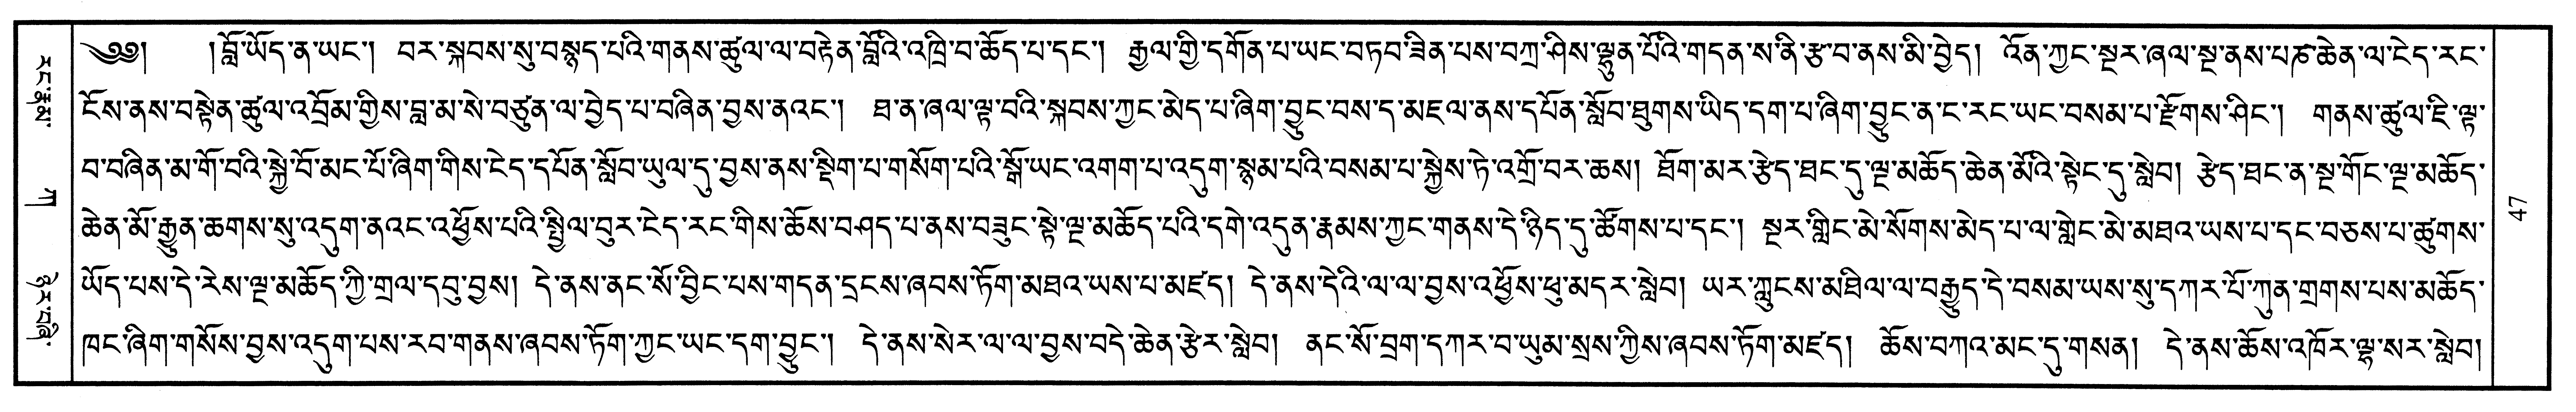༄༅། །བློ་ཡོད་ན་ཡང་། བར་སྐབས་སུ་བསྙད་པའི་གནས་ཚུལ་ལ་བརྟེན་བློའི་འཁྲི་བ་ཆོད་པ་དང་། རྒྱལ་གྱི་དགོན་པ་ཡང་བཏབ་ཟིན་པས་བཀྲ་ཤིས་ལྷུན་པོའི་གདན་ས་ནི་རྩ་བ་ནས་མི་བྱེད། འོན་ཀྱང་སྔར་ཞལ་སྔ་ནས་པཎ་ཆེན་ལ་ངེད་རང་
ངོས་ནས་བསྟེན་ཚུལ་འབྲོམ་གྱིས་བླ་མ་སེ་བཙུན་ལ་བྱེད་པ་བཞིན་བྱས་ནའང་། ཐ་ན་ཞལ་ལྟ་བའི་སྐབས་ཀྱང་མེད་པ་ཞིག་བྱུང་བས་ད་མཇལ་ནས་དཔོན་སློབ་ཐུགས་ཡིད་དག་པ་ཞིག་བྱུང་ན་ང་རང་ཡང་བསམ་པ་རྫོགས་ཤིང་། གནས་ཚུལ་ཇི་ལྟ་
བ་བཞིན་མ་གོ་བའི་སྐྱེ་བོ་མང་པོ་ཞིག་གིས་ངེད་དཔོན་སློབ་ཡུལ་དུ་བྱས་ནས་སྡིག་པ་གསོག་པའི་སྒོ་ཡང་འགག་པ་འདུག་སྙམ་པའི་བསམ་པ་སྐྱེས་ཏེ་འགྲོ་བར་ཆས། ཐོག་མར་རྩེད་ཐང་དུ་ལྔ་མཆོད་ཆེན་མོའི་སྟེང་དུ་སླེབ། རྩེད་ཐང་ན་སྔ་གོང་ལྔ་མཆོད་
ཆེན་མོ་རྒྱུན་ཆགས་སུ་འདུག་ནའང་འཕྱོས་པའི་སྤྱིལ་བུར་ངེད་རང་གིས་ཆོས་བཤད་པ་ནས་བཟུང་སྟེ་ལྔ་མཆོད་པའི་དགེ་འདུན་རྣམས་ཀྱང་གནས་དེ་ཉིད་དུ་ཚོགས་པ་དང་། སྔར་གླིང་མེ་སོགས་མེད་པ་ལ་གླེང་མེ་མཐའ་ཡས་པ་དང་བཅས་པ་ཚུགས་
ཡོད་པས་དེ་རེས་ལྔ་མཆོད་ཀྱི་གྲལ་དབུ་བྱས། དེ་ནས་ནང་སོ་བྱིང་པས་གདན་དྲངས་ཞབས་ཏོག་མཐའ་ཡས་པ་མཛད། དེ་ནས་དེའི་ལ་ལ་བྱས་འཕྱོས་ཕུ་མདར་སླེབ། ཡར་ཀླུངས་མཐིལ་ལ་བརྒྱུད་དེ་བསམ་ཡས་སུ་དཀར་པོ་ཀུན་གྲགས་པས་མཆོད་
ཁང་ཞིག་གསོས་བྱས་འདུག་པས་རབ་གནས་ཞབས་ཏོག་ཀྱང་ཡང་དག་བྱུང་། དེ་ནས་སེར་ལ་ལ་བྱས་བདེ་ཆེན་རྩེར་སླེབ། ནང་སོ་བྲག་དཀར་བ་ཡུམ་སྲས་ཀྱིས་ཞབས་ཏོག་མཛད། ཆོས་བཀའ་མང་དུ་གསན། དེ་ནས་ཆོས་འཁོར་ལྷ་སར་སླེབ།